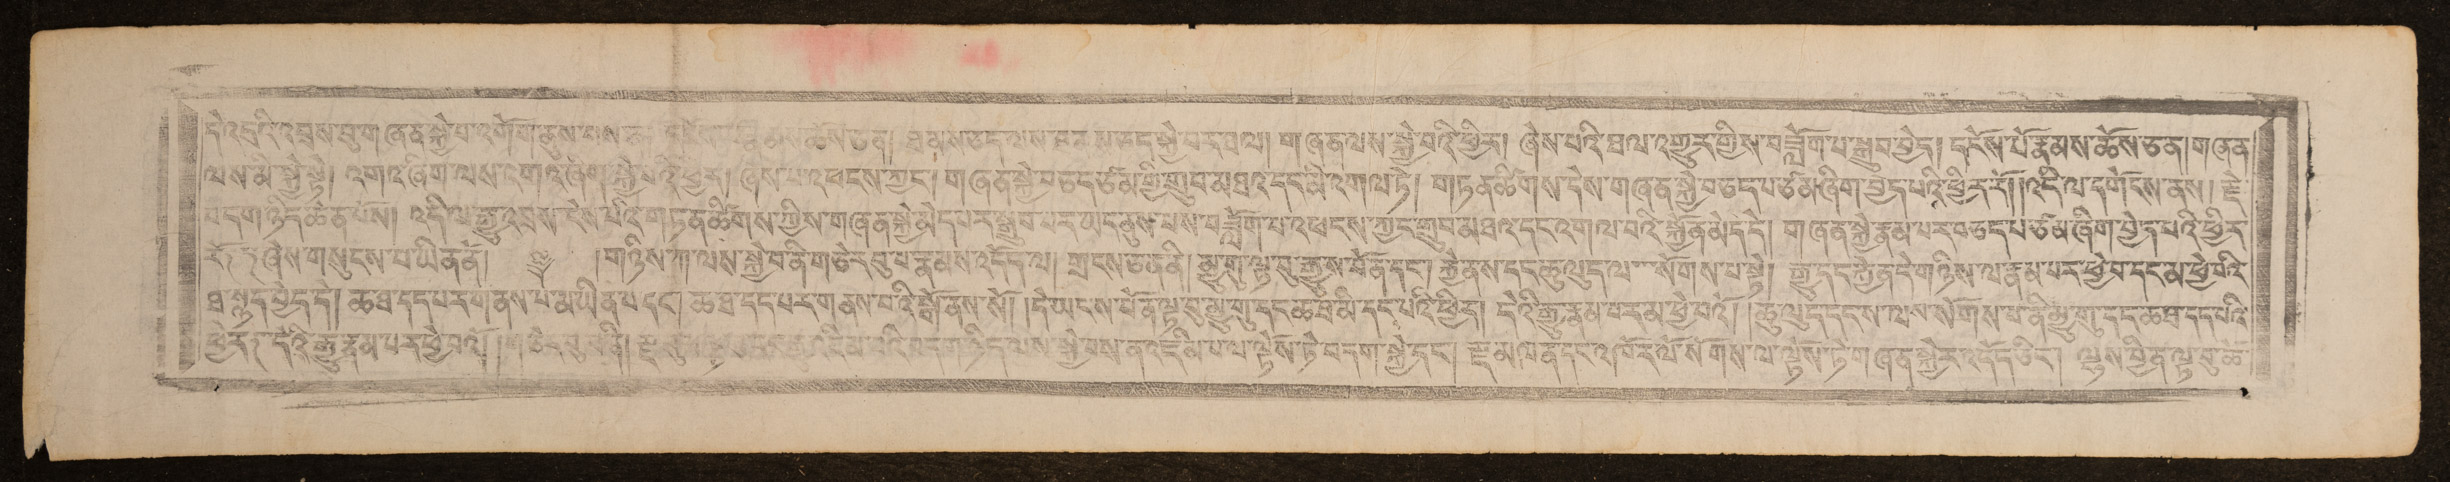དེ་འདྲའི་འབྲས་བུ་གཞན་སྐྱེ་བ་འགོག་ནུས་པས་ན། དངོས་པོ་རྣམས་ཆོས་ཅན། ཐམས་ཅད་ལས་ཐམས་ཅད་སྐྱེ་བར་ཐལ། གཞན་ལས་སྐྱེ་བའི་ཕྱིར། ཞེས་པའི་ཐལ་འགྱུར་གྱིས་བཟློག་པ་སྒྲུབ་བྱེད། དངོས་པོ་རྣམས་ཆོས་ཅན། གཞན་
ལས་མི་སྐྱེ་སྟེ། འགའ་ཞིག་ལས་འགའ་ཞིག་སྐྱེ་བའི་ཕྱིར། ཞེས་པ་འཕངས་ཀྱང་། གཞན་སྐྱེ་བཅད་ཙམ་གྱི་གྲུབ་མཐའ་དང་མི་འགལ་ཏེ། གཏན་ཚིགས་དེས་གཞན་སྐྱེ་བཅད་པ་ཙམ་ཞིག་བྱེད་པའི་ཕྱིར་རོ། །འདི་ལ་དགོངས་ནས། རྗེ་
བདག་ཉིད་ཆེན་པོས། འདི་ལ་རྒྱུ་འབྲས་ངེས་པའི་གཏན་ཚིགས་ཀྱིས་གཞན་སྐྱེ་མེད་པར་སྒྲུབ་པར་ཡང་ནུས་པས་བཟློག་པ་འཕངས་ཀྱང་གྲུབ་མཐའ་དང་འགལ་བའི་སྐྱོན་མེད་དེ། གཞན་སྐྱེ་རྣམ་པར་བཅད་པ་ཙམ་ཞིག་བྱེད་པའི་ཕྱིར་
རོ། །ཞེས་གསུངས་པ་ཡིན་ནོ། ༈ །གཉིས་ཀ་ལས་སྐྱེ་བ་ནི་གཅེར་བུ་པ་རྣམས་འདོད་ལ། གྲངས་ཅན་ནི། མྱུ་གུ་ལྟ་བུ་རྒྱུ་ས་བོན་དང་། རྐྱེན་ས་དང་ཆུ་ལུད་ལས་སོགས་པ་སྟེ། རྒྱུ་དང་རྐྱེན་དེ་གཉིས་ལ་རྣམ་པར་ཕྱེ་བ་དང་མ་ཕྱེ་བའི་
ཐ་སྙད་བྱེད་དེ། ཆ་ཐ་དད་པར་གནས་པ་མ་ཡིན་པ་དང་། ཆ་ཐ་དད་པར་གནས་པའི་སྒོ་ནས་སོ། །དེ་ཡང་ས་བོན་ལྟ་བུ་མྱུ་གུ་དང་ཆ་ཐ་མི་དད་པའི་ཕྱིར། དེའི་རྒྱུ་རྣམ་པར་མ་ཕྱེ་བའོ། །ཆུ་ལུད་དང་ས་ལས་སོགས་པ་ནི་མྱུ་གུ་དང་ཆ་ཐ་དད་པའི་
ཕྱིར། དེའི་རྒྱུ་རྣམ་པར་ཕྱེ་བའོ། །གཅེར་བུ་པ་ནི། རྫ་བུམ་ལྟ་བུ་རང་རྒྱུ་འཇིམ་པའི་བདག་ཉིད་ལས་སྐྱེ་བས་ན་འཇིམ་པ་ལ་ལྟོས་ཏེ་བདག་སྐྱེ་དང་། རྫ་མཁན་དང་འཁོར་ལོ་སོགས་ལ་ལྟོས་ཏེ་གཞན་སྐྱེར་འདོད་ཅིང་། ལྷས་བྱིན་ལྟ་བུ་ཚེ་